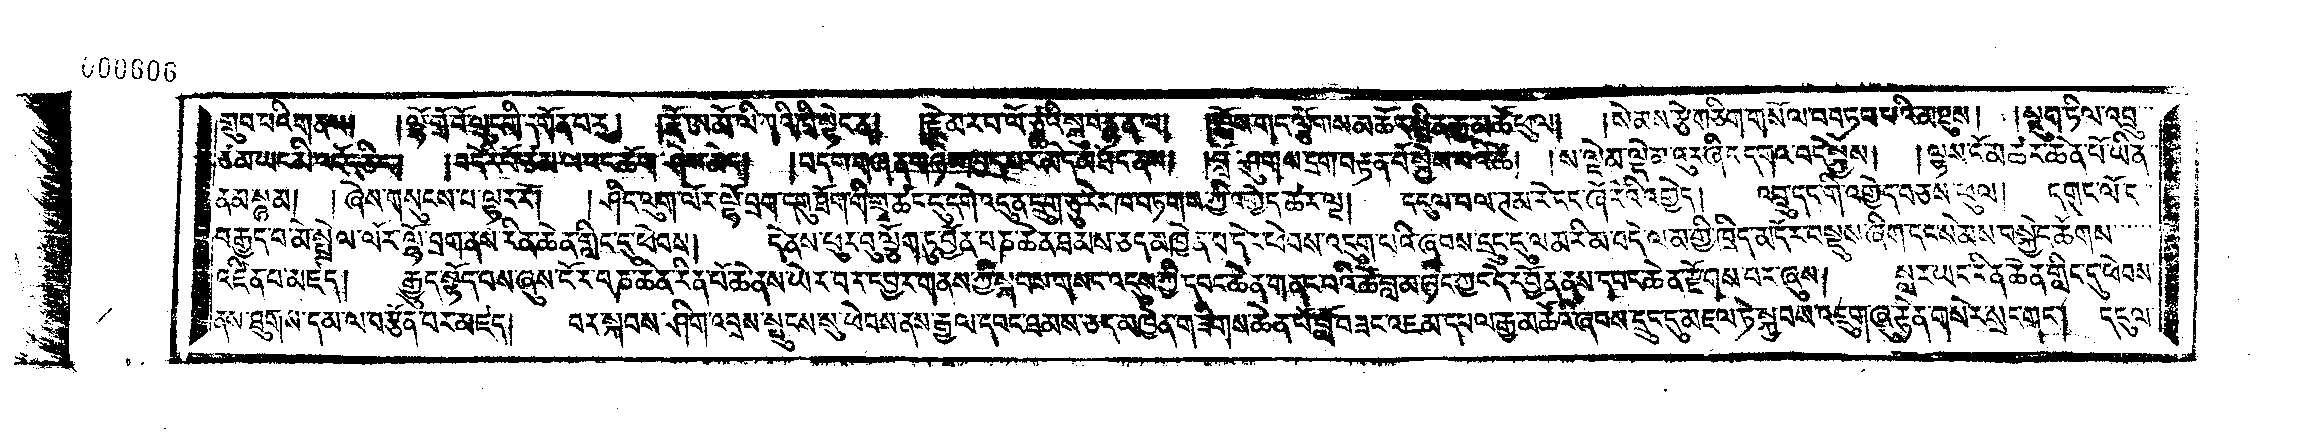གྲུབ་པའི་གནས། །ལྷོ་གྲོ་བོ་ལུང་གི་དགོན་པ་རུ། །རྡོ་ཨ་མོ་ལི་ཀའི་ཁྲི་སྟེང་ན། །རྗེ་མར་པ་ལོ་ཙྪའི་སྐུ་བརྙན་ལ། །བློས་གང་ལྕོགས་མཆོད་སྤྲིན་རྒྱ་མཚོ་ཕུལ། །སེམས་རྩེ་གཅིག་གསོལ་བ་བཏབ་པའི་མཐུས། །སྡུག་ཏིལ་འབྲུ་
ཙམ་ཡང་མི་འདོད་ཅིང་། །བདེ་རི་བོ་ཙམ་ལའང་ཆོག་ཤེས་མེད། །བདག་གཞན་གཉིས་ཁྱད་པར་མེད་མཐོང་ནས། །བློ་ཤུགས་དྲག་བརྟན་པོ་སྐྱེས་པའི་ཚེ། །ས་ལྡེམ་ལྡེམ་འུར་ཞིང་དགའ་བདེ་སྐྱེས། །ལྟས་ངོ་མཚར་ཆེན་པོ་ཡིན་
ནམ་སྙམ། །ཞེས་གསུངས་པ་ལྟར་རོ། །ཤིང་ལུག་ལོར་ལྷོ་བྲག་དྲྒུ་ཐོག་གི་གྲྭ་ཚང་དུ་དགེ་འདུན་དྲུག་ཅུ་རེར་ཁ་བཏགས་ཀྱི་འགྱེད་ཚར་ལྔ། དངུལ་བལ་ཊམ་ཏེ་དང་ཞོ་རེའི་འགྱེད། འབྲུ་དང་གི་འགྱེད་བཅས་ཕུལ། དགུང་ལོ་ང་
བརྒྱད་པ་མེ་སྤྲེལ་ལོར་ལྷོ་བྲག་ནས་རིན་ཆེན་གླིང་དུ་ཕེབས། དེ་ནས་ཕུར་བུ་ལྕོག་ཏུ་བྱོན་པཎ་ཆེན་ཐམས་ཅད་མཁྱེན་པ་དེར་ཕེབས་འདུག་པའི་ཞབས་དྲུང་དུ་ལམ་རིམ་བདེ་ལམ་གྱི་ཁྲིད་མདོར་བསྡུས་ཞིག་དང་སེམས་བསྐྱེད་ཆོ་གས་
འཛིན་པ་མཛད། རྒྱུད་སྟོད་པས་ཞུས་ངོར་པཎ་ཆེན་རིན་པོ་ཆེ་ནས་ཡེར་པར་དབྱར་གནས་ཀྱི་སྐབས་གསང་འདུས་ཀྱི་དབང་ཆེན་གནང་བའི་ཚེ་བླ་མ་ཉིད་ཀྱང་དེར་བྱོན་ནས་དབང་ཆེན་རྫོགས་པར་ཞུས། སླར་ཡང་རིན་ཆེན་གླིང་དུ་ཕེབས་
ནས་ཐུགས་དམ་ལ་བརྩོན་པར་མཛད། བར་སྐབས་ཤིག་འབྲས་སྤུངས་སུ་ཕེབས་ནས་རྒྱལ་དབང་ཐམས་ཅད་མཁྱེན་གཟིགས་ཆེན་པོ་བློ་བཟང་འཇམ་དཔལ་རྒྱ་མཚོའི་ཞབས་དྲུང་དུ་མཇལ་ཏེ་སྐྱབས་འཇུག་ཞུ་རྟེན་གསེར་སྲང་གང་། དངུལ་